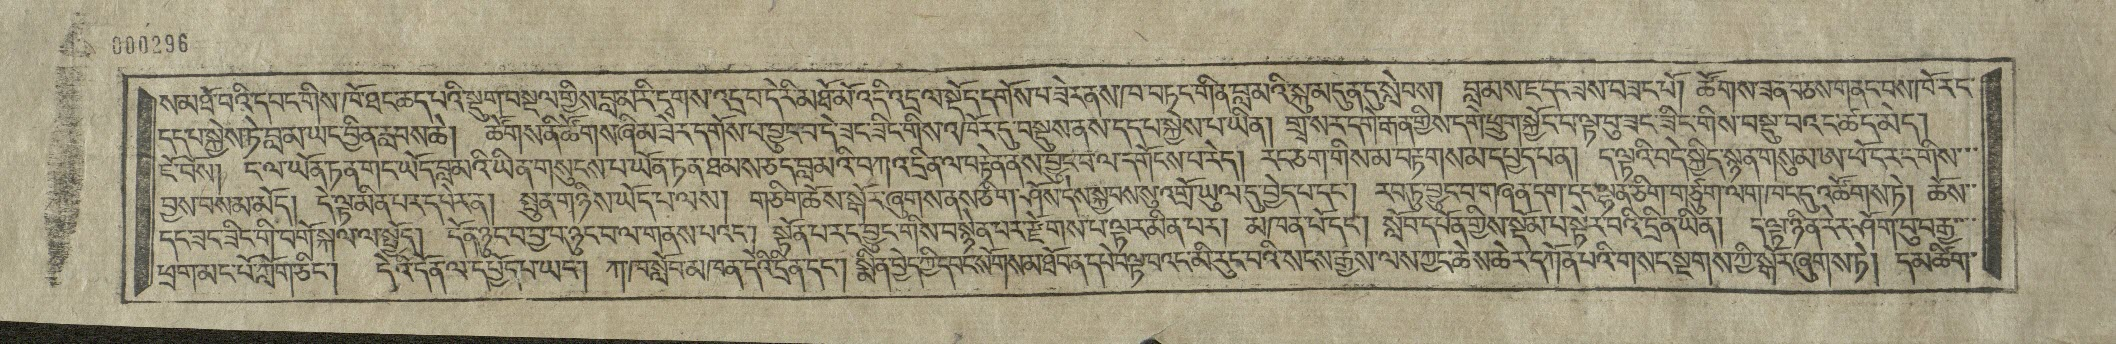ས་མཐོ་བའི་དབང་གིས་ཁོ་ཐང་ཆད་པའི་སྡུག་བསྔལ་གྱིས་བླ་མ་རི་དྭགས་འདྲ་བ་དེ་རི་མཐོ་མོ་འདི་འདྲ་ལ་སྡོད་དགོས་པ་ཟེར་ནས་ཁ་བཏང་གིན་བླ་མའི་སྐུ་མདུན་དུ་སླེབས། བླ་མས་ཇ་དང་ཟས་བཟང་པོ། ཚོགས་ཟན་བཅས་གནང་བས་ཁོ་རང་
དད་པ་སྐྱེས་ཏེ་བླ་མ་ཡང་བྱིན་རླབས་ཆེ། ཚོགས་ནི་ཚོགས་ཞིམ་ཟེར་དགོས་པ་བྱུང་བ་དེ་ཟང་ཟིང་གིས་འཁོར་དུ་བསྡུས་ནས་དད་པ་སྐྱེས་པ་ཡིན། གྲྭ་སར་དགེ་རྒན་གྱིས་དགེ་ཕྲུག་སྐྱོང་བ་ལྟ་བུ་ཟང་ཟིང་གིས་བསྡུ་བའང་ཚད་མེད།
ཇོ་བོས། ང་ལ་ཡོན་ཏན་གང་ཡོད་བླ་མའི་ཡིན་གསུངས་པ་ཡོན་ཏན་ཐམས་ཅད་བླ་མའི་བཀའ་དྲིན་ལ་བརྟེན་ནས་བྱུང་བ་ལ་དགོངས་པ་རེད། རང་ཅག་གིས་མ་བརྟགས་མ་དཔྱད་པ་ན། ད་ལྟའི་བདེ་སྐྱིད་སྙན་གསུམ་ཨ་ཕོ་ང་རང་གིས་
བྱས་བསམ་མོད། དེ་ལྟ་མིན་པར་དཔེར་ན། སྤུན་གཉིས་ཡོད་པ་ལས། གཅིག་ཆོས་སྒོར་ཞུགས་ནས་ཅིག་ཤོས་དེས་སྐྱབས་སུ་འགྲོ་ཡུལ་དུ་བྱེད་པ་དང་། རབ་ཏུ་བྱུང་བ་གཞན་དག་དང་ལྷན་ཅིག་གཙུག་ལག་ཁང་དུ་འཚོགས་ཏེ། ཆོས་
དང་ཟང་ཟིང་གི་བགོ་སྐལ་ལ་སྤྱོད། དོན་ཉུང་བ་བྱ་བ་ཉུང་བ་ལ་གནས་པའང་། སྟོན་པ་རང་བྱུང་གིས་བསྙེན་པར་རྫོགས་པ་ལྟར་མིན་པར། མཁན་པོ་དང་། སློབ་དཔོན་གྱིས་སྡོམ་པ་སྟེར་བའི་དྲིན་ཡིན། ད་ལྟ་ཉིན་རེར་ཤོག་བུ་བརྒྱ་
ཕྲག་མང་པོ་ཀློག་ཅིང་། དེའི་དོན་ལ་དཔྱོད་པ་ཡང་། ཀ་ཁ་སློབ་མཁན་དེའི་དྲིན་དང་། སྨིན་བྱེད་ཀྱི་དབང་སོགས་མ་ཐོབ་ན་དཔེ་བལྟ་བའང་མི་རུང་བའི་སངས་རྒྱས་ལས་ཀྱང་ཆེས་ཆེར་དཀོན་པའི་གསང་སྔགས་ཀྱི་སྒོར་ཞུགས་ཏེ། དམ་ཚིག་